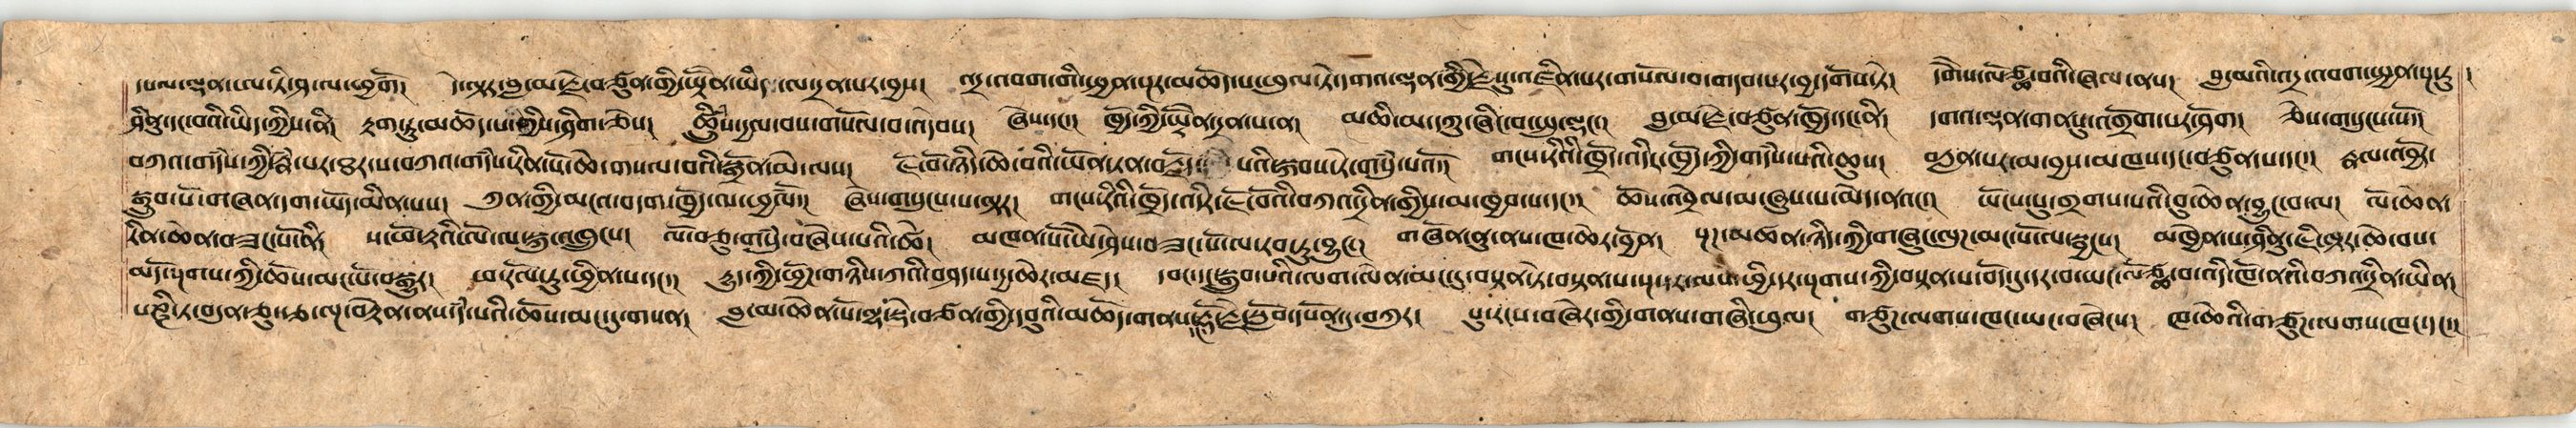དཔལ་ལྡན་ཨ་ཏི་ཤ་ལ་ཕྱགཚལོ། དེ་ལྟར་བླ་མ་རྗེ་བཙུན་གྱི་ཡྟོན་ཡིད་ལ་དྲན་པར་བྱས། འདྲ་འབག་གི་སྤྱན་སྔར་མཆོད་པ་ཕུལ་ཏེ་དགའ་ལྡན་གྱི་རྗེསུ་འཛིན་པར་གསོལ་བ་གདབ་པར་བྱ་དགོས་ཏེ། དགཻས་ལོཙྪ་བའི་ཞལ་ནས། བླ་མའི་འདྲ་འབག་སྤྱན་སྔ་རུ །
ཤིནུ་དང་བའི་ཡིད་ཀྱིས་ནི། རྟག་ཏུ་མཆོད་པ་གྱིས་ཤིག་ཅེས། ཚྲིུཾས་དྱལ་བས་གསོལ་བ་འདེབས། ཞེས་དང་། ཁྱོད་ཀྱི་ཡྟོེན་དྲན་པ་ན། མཆི་མ་དཀུ་ཞིང་བ་སྤུ་ལྡང་། བླ་མ་རྗེ་བཙུན་ཁྱོད་དང་ནི། དགའ་ལྡན་གནསུ་འགྲོག་པར་ཤོག། ཅེས་གསུངས་སོ་།
བཀའ་གདཾས་ཀྱི་རྣཾ་པར་ཐར་པ་བཀའ་གདཾས་རིན་པོ་ཆེ་གསལ་བའི་སྒྲོན་མེ་ལས། ཇོ་བོ་ཉིད་ཆེ་བའི་ཡོན་ཏན་བརྗོད་པའི་སྐབས་ཏེ་གསུཾ་པའོ། གངས་རིའི་ཁྲོད་འདིར་ཁྱོད་ཀྱི་གདཾས་པའི་ཆུས། བརླན་པར་མ་བྱས་མཁས་དང་བཙུན་པ་དང་། རྣལ་འབྱོར་
སྒྲུབ་པོ་གཞན་དག་ཡོད་མིན་པས། ཀུན་གྱི་མངའ་བདག་ཁྱོད་ལ་ཕྱཚལོ། ཞེས་གསུངས་པ་ལྟར། གངས་རིའི་ཁྲོད་འདིར་ཇོ་བོའི་བཀའ་དྲིན་གྱིས་མ་ཁྱབ་པ་དང་། ཆོས་འབྲེལ་མ་ཞུས་པ་མེད་ནའང་། ཡོངས་སུ་གྲགས་པའི་བུ་ཆེན་བྱུང་བ་ལ། ལོ་ཆེན་
རིན་ཆེན་བཟང་པོ་ནི། ས་ཕོ་རྟའི་ལོ་ལ་སྐུ་འཁྲུངས། ལོ་བཅུ་གསུཾ་བཞེས་པའི་ཚེ། མཁན་པོ་ཡེ་ཤེས་བཟང་པོ་ལ་རབ་ཏུ་བྱུང་། གཞོན་ནུ་ནས་ཁ་ཆེར་བྱོན། སྔཌ་མཚན་ཉིད་ཀྱི་གཞུང་ལུཌ་མང་པོ་ལ་སྦྱངས། མཁྱེན་པ་ཤིནུ་ཇི་ལྟར་་ཆེ་བས་
མདོ་སྔགས་ཀྱི་ཆོས་མང་པོ་བསྒྱུར། ཕ་རོལ་ཏུ་ཕྱིན་པ་དང་། དྱུད་ཀྱི་ཕྱོཌ་གཉིས་ཀའི་བཤད་པ་དྱ་ཆེར་མཛད། དབང་དང་སྒྲུབ་པའི་ལག་ལེན་མང་དུ་བསྟན་ཏེ་བསྟན་པ་སྔ་དར་ལས་ཕྱི་དར་སྔགསཀྱི་བསྟན་པ་བོད་དུ་དར་བ་ཡང་ལོཙྪ་བ་འདི་ཁོ་ནའི་བཀའ་དྲིན་ཡིན།
པཎྜི་ཏ་བདུན་ཅུ་རྩ་ལྔ་བརྟེན་ནས་དཾ་པའི་ཆོས་མང་དུ་གསན། བླ་མ་ཆེན་པོ་ལྷ་སྡེ་བཙན་གྱི་དབུའི་མཆོད་གནས་དང་རྡོ་རྗེ་སློབ་དཔོན་དུ་བཀུར། པུ་རངས་བཞེར་གྱི་གནས་གཞི་ཕུལ། གཙུཌ་ལགས་ཁང་ཡང་བཞེངས། ཁ་ཆེའི་གཙུཌ་ལགས་ཁང་དང་།